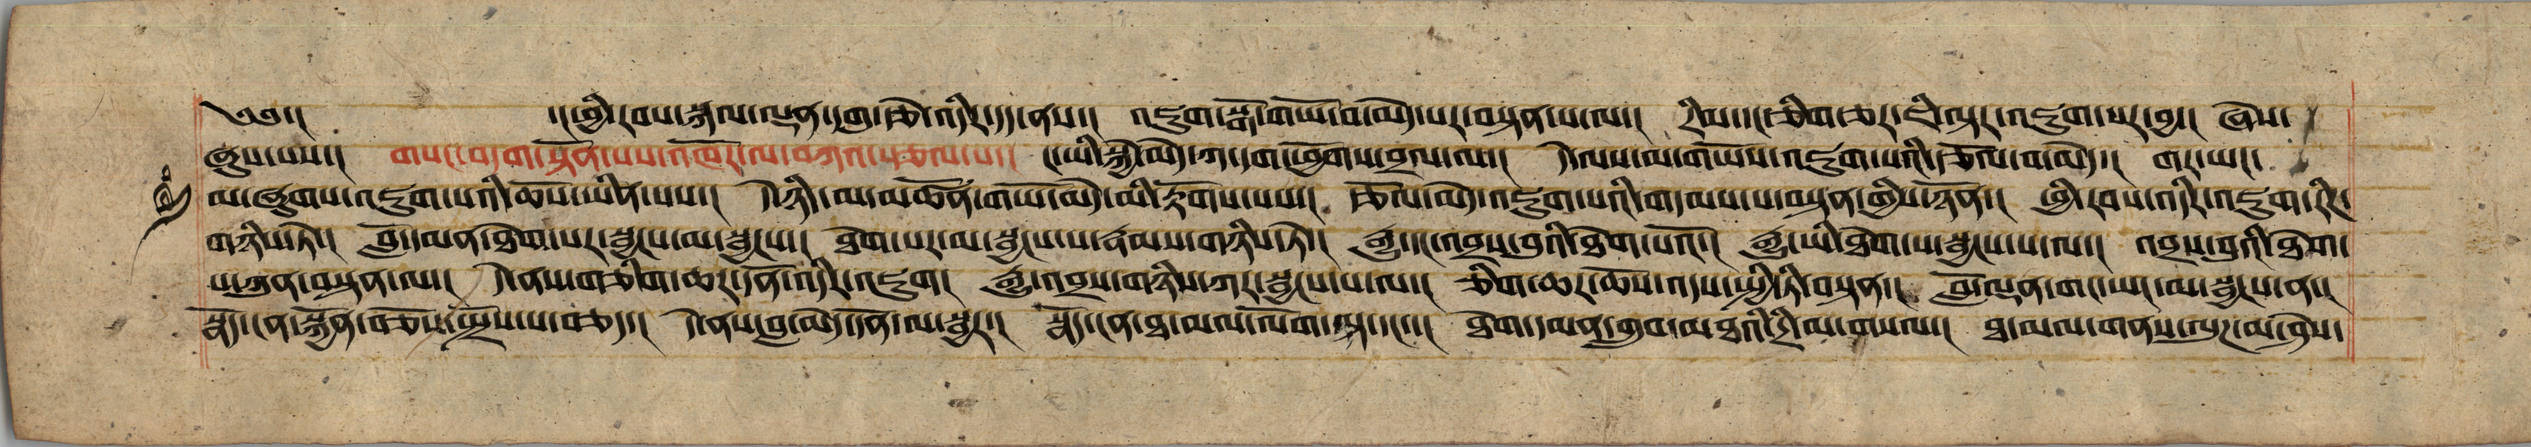༄༅་། ་།ཕྱི་རབས་སྐལ་ལྡན་དགུ་རྩེ་འདིར་དད་ནས་། འཇུག་སྒོ་གཡོ་བ་མེད་པར་བསྟན་པ་ལ་། རིམ་དང་ཅིག་ཅར་ཇི་ལྟར་འཇུག་པར་བྱ་། ཞེས་
ཞུས་པས་། གསང་བདག་སྟོན་པས་འཁོར་ལ་བཀའ་སྩལ་པ་། ང་ཡི་སྐྱེ་མེད་ཀ་དག་ཕྱོགས་བྲལ་ལ་། དེ་ལས་མ་གཡོས་འཇུག་པའི་རྩོལ་བ་མེད་། གར་ཡང་
མ་ཞུགས་འཇུག་པའི་ཆོས་ཡིན་པས་། དེ་ཉིད་མ་མཚོན་གཡོ་མེད་མི་རྟོགས་པས་། རྩོལ་མེད་འཇུག་པའི་གདམས་པ་བསྟན་གྱིས་ཉོན་། ཕྱི་རབས་འདིར་འཇུག་རིཌ
གཉིས་ཏེ་། བློ་དམན་ཐེག་པར་སྦྱངས་མ་སྦྱངས་། ཐེག་པར་མ་སྦྱངས་པ་རྣམས་གཉིས་ཏེ་། རྒྱུ་དང་འབྲས་བུའི་ཐེག་པའོ་། རྒྱུ་ཡི་ཐེག་པ་སྦྱངས་པ་ལ་། འབྲས་བུའི་ཐེག་
པ་ཀུན་བསྟན་ལ་། དེ་ནས་གཅིག་ཆར་དོན་འདིར་འཇུག་། རྒྱུ་འབྲས་གཉིས་ཀར་སྦྱངས་པ་ལ་། ཅིག་ཆར་ཆོས་འདས་སྤྱི་ཏི་བསྟན་། བློ་ལྡན་གང་ཡང་མ་སྦྱངས་ན་།
སྣོད་ངན་སྐྱོན་བཅོས་སྤྲོས་པ་བཅད་། དེ་ནས་བླ་མེད་དོན་ལ་སྦྱར་། སྣོད་ངན་ཐ་མལ་ལོག་ལྟ་དང་་། ཐེག་དམན་གྲུབ་མཐའི་དྲི་མ་གསལ་། ཐ་མལ་གནས་ལུཌ་མ་ཤེས་